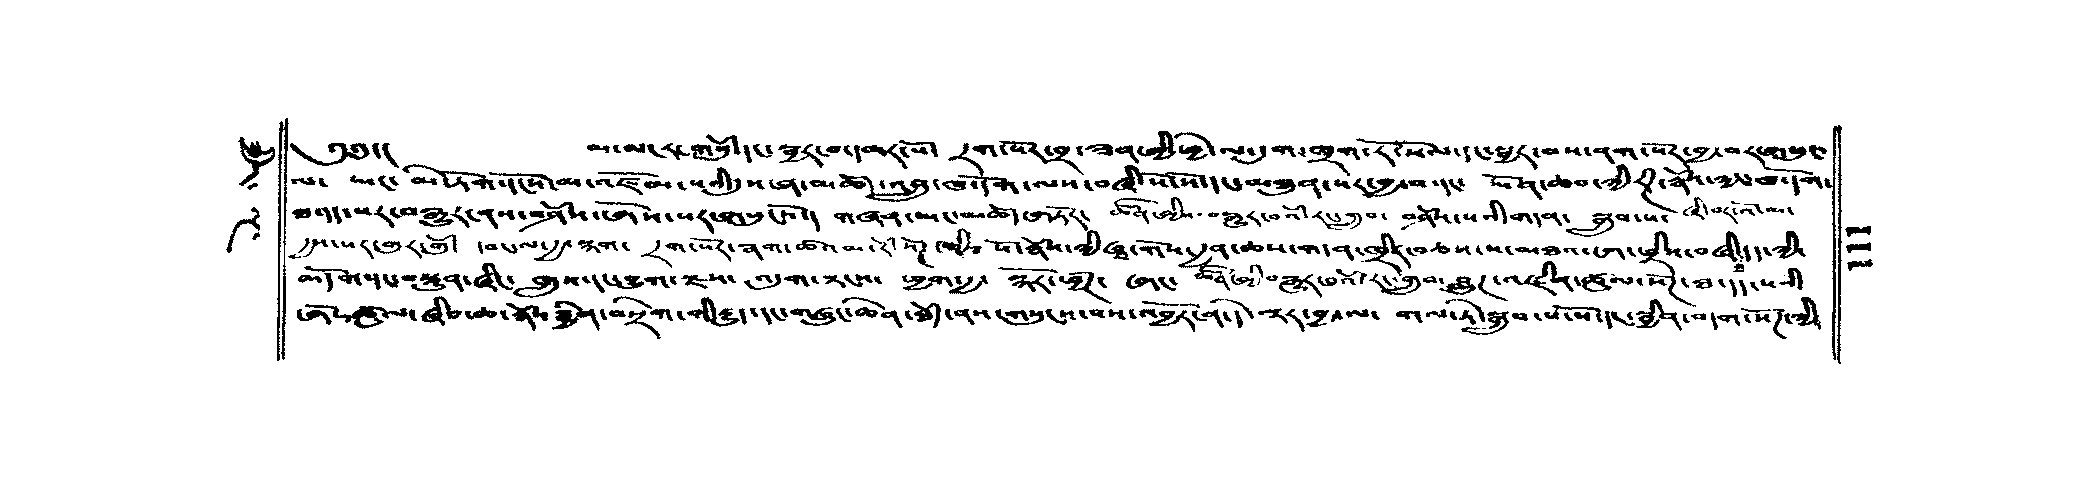ལ་མངར་གསུམ་དང་སྦྱར་བ་དམར་པོ། དྲག་པོར་བྲ་ཟན་གྱི་ཕྱེ་ལ་དུག་ཁྲག་རོ་སོལ་དང་སྦྱར་བས་ནག་པོར་བྱ་བར་གསུངས་
ལ། ཡང་མེ་ཏོག་དངོས་མ་འཛོམས་པའི་དུས་ན་མཆོད་འབྲུ་ཁ་དོག་ལས་བཞི་ ༼ཚོན་གྱིས་བསྒྱུར་བའམ་རང་གྲུབ་༽ སོ་སོ་དང་མཐུན་པར་བྱ་བ་དང་། ཡོན་ཆབ་ཀྱི་རིགས་རྣམས་ཀྱང་། ༼ཞི་བར་འོ་མ། རྒྱས་པར་གུར་གུམ། དབང་ལ་གྱ་སྐེག་དྲག་པོར་སྣག་ཚའམ་རོ་སོགས་ཀྱིས་༽ ཁ་དོག་
ཐ་དད་པར་བསྒྱུར་ནས་བཤམས་དགོས་པར་གསུངས་སོ། གཞན་ཡང་མཆོད་གཏོར་བཤམས་པའི་གདན། སྒྲུབ་པ། 
སོ་རྣམས་ཀྱི་ཞྭ་གོས་རྒྱན་ཆས་གདན་ ༼ཚོན་གྱིས་བསྒྱུར་བའམ་རང་གྲུབ་༽ ཁྲིར་བཅས་པ་མཐའ་དག་ཕྲིན་ལས་བཞི་ཐ་དད་ཀྱི་
མདོག་དང་བསྟུན་ཞིང་། ཁྲུས་དང་བྱུག་རྫས། འདུག་སྟངས། ཕྱག་རྒྱ། སྐོར་ཕྱོགས།དགང་། མུགས་འཛིན་ཚུལ་སོགས་ཐ་དད་པའི་
དགོས་ཚུལ་ཞིབ་ཆ་རྣམས་སྦྱིན་སྲེག་གི་རྒྱུད་དང་གཞུང་ཆེན་ཐམས་ཅད་ནས་གསུངས་བས་འབྱོར་ན་དེ་ལྟར་བྱ་ལ། གལ་ཏེ་སྒྲུབ་པ་པོ་དང་སྦྱིན་བདག་སོགས་ཀྱི་